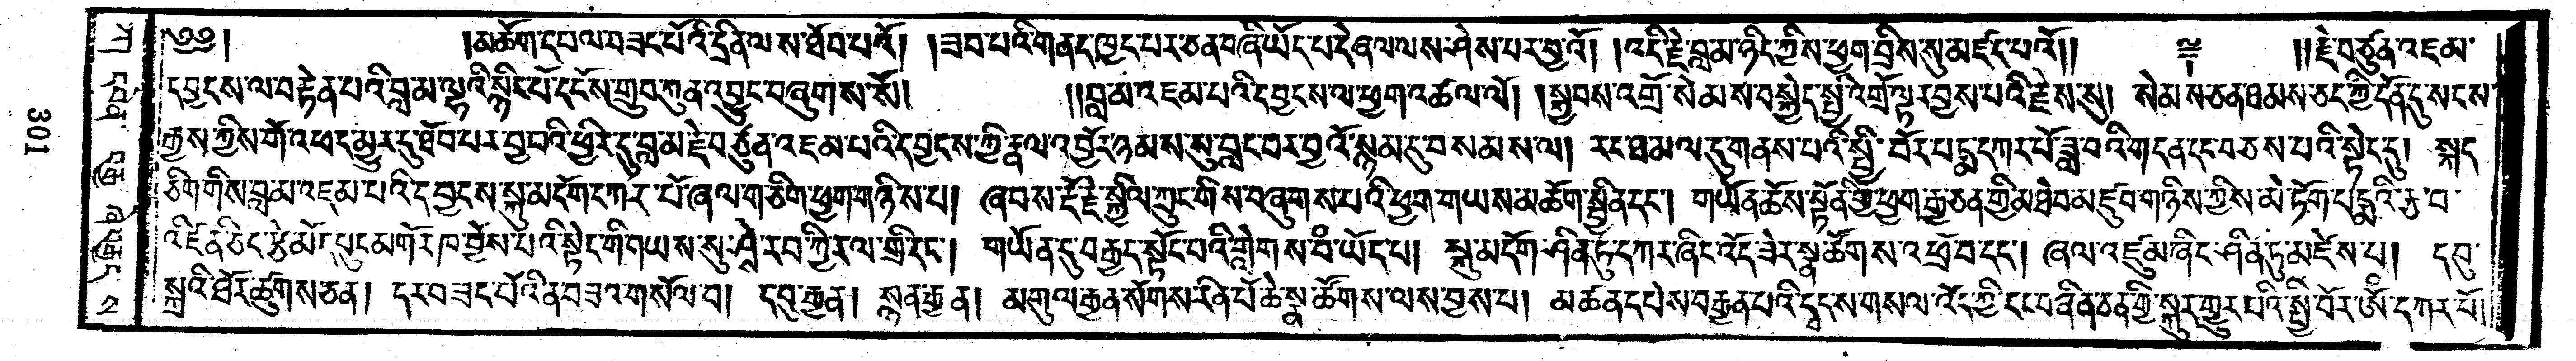༄༅། །མཆོག་དཔལ་བཟང་པོའི་དྲིན་ལས་ཐོབ་པའོ། །ཟབ་པའི་གནད་ཁྱད་པར་ཅན་བཞི་ཡོད་པ་དེ་ཞལ་ལས་ཤེས་པར་བྱའོ། །འདི་རྗེ་བླ་མ་ཉིད་ཀྱིས་ཕྱག་བྲིས་སུ་མཛད་པའོ།། ༈ །།རྗེ་བཙུན་འཇམ་
དབྱངས་ལ་བརྟེན་པའི་བླ་མ་ལྷའི་སྙིང་པོ་དངོས་གྲུབ་ཀུན་འབྱུང་བཞུགས་སོ། །།བླ་མ་འཇམ་པའི་དབྱངས་ལ་ཕྱག་འཚལ་ལོ། །སྐྱབས་འགྲོ་སེམས་བསྐྱེད་སྤྱི་འགྲོ་ལྟར་བྱས་པའི་རྗེས་སུ། སེམས་ཅན་ཐམས་ཅད་ཀྱི་དོན་དུ་སངས་
རྒྱས་ཀྱིས་གོ་འཕང་མྱུར་དུ་ཐོབ་པར་བྱ་བའི་ཕྱིར་དུ་བླ་མ་རྗེ་བཙུན་འཇམ་པའི་དབྱངས་ཀྱི་རྣལ་འབྱོར་ཉམས་སུ་བླང་བར་བྱའོ་སྙམ་དུ་བསམས་ལ། རང་ཐ་མལ་དུ་གནས་པའི་སྤྱི་བོར་པདམ་དཀར་པོ་ཟླ་བའི་གདན་དང་བཅས་པའི་སྟེང་དུ། སྐད་
ཅིག་གིས་བླ་མ་འཇམ་པའི་དབྱངས་སྐུ་མདོག་དཀར་པོ་ཞལ་གཅིག་ཕྱག་གཉིས་པ། ཞབས་རྡོ་རྗེ་སྐྱིལ་ཀྲུང་གིས་བཞུགས་པའི་ཕྱག་གཡས་མཆོག་སྦྱིན་དང་། གཡོན་ཆོས་སྟོན་གྱི་ཕྱག་རྒྱ་ཅན་གྱི་མཐེབ་མཛུབ་གཉིས་ཀྱིས་མེ་ཏོག་པདམའི་རྩ་བ་
འཛིན་ཅིང་རྩེ་མོ་དཔུང་མགོར་ཁ་བྱོས་པའི་སྟེང་གི་གཡས་སུ་ཤེས་རབ་ཀྱི་རལ་གྲི་དང་། གཡོན་དུ་བརྒྱད་སྟོང་པའི་གླེགས་བཾ་ཡོད་པ། སྐུ་མདོག་ཤིན་ཏུ་དཀར་ཞིང་འོད་ཟེར་སྣ་ཚོགས་འཕྲོ་བ་དང་། ཞལ་འཛུམ་ཞིང་ཤིན་ཏུ་མཛེས་པ། དབུ་
སྐྲའི་ཐོར་ཚུགས་ཅན། དར་བཟང་པོའི་ན་བཟའ་གསོལ་བ། དབུ་རྒྱན། སྙན་རྒྱན། མགུལ་རྒྱན་སོགས་རིན་པོ་ཆེ་སྣ་ཚོགས་ལས་བྱས་པ། མཚན་དཔེས་བརྒྱན་པའི་དྭངས་གསལ་འོད་ཀྱི་དང་བཞིན་ཅན་གྱི་སྐུར་གྱུར་པའི་སྤྱི་བོར་ཨོཾ་དཀར་པོ།